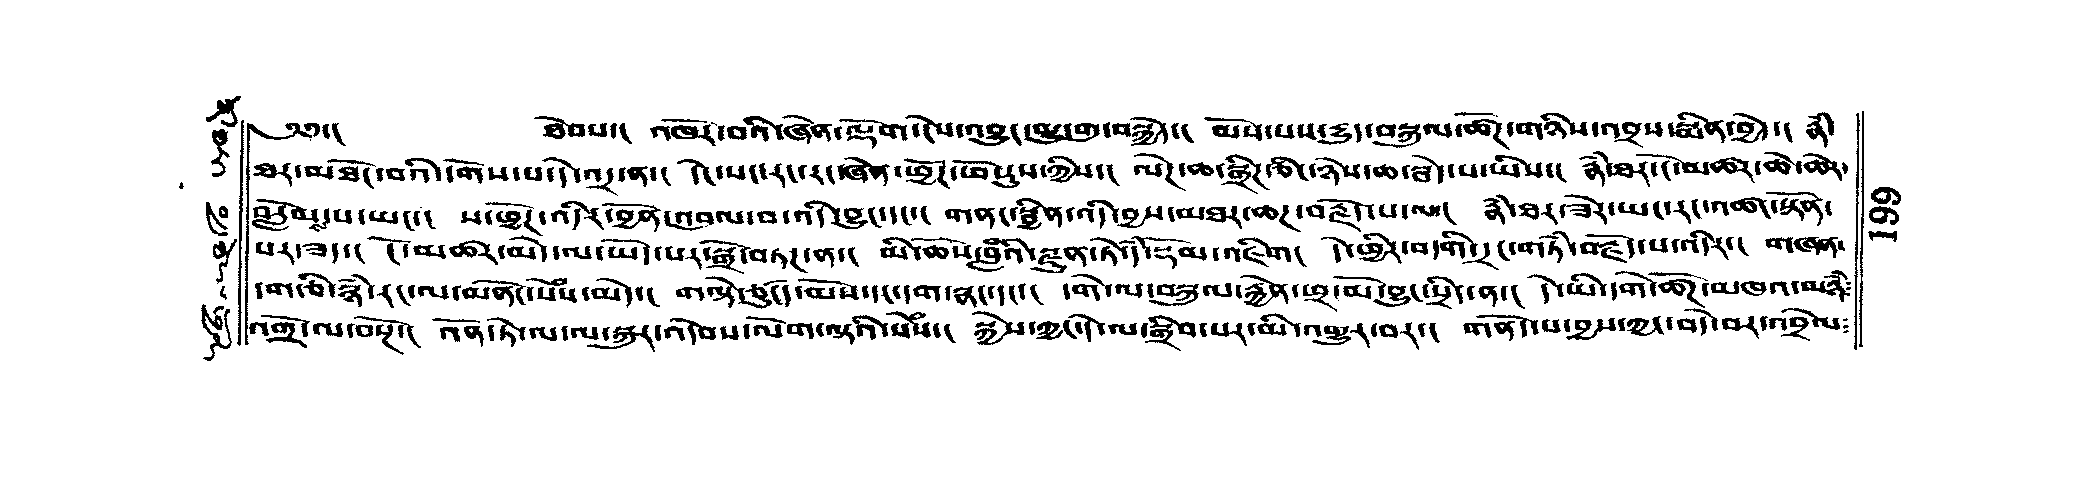ཐེབས། །འཁོར་བའི་ཞེན་ལྡོག་ངེས་འབྱུང་མྱུ་གུ་བསྐྱེད། །མོས་པས་རྒྱུད་བསྐུལ་ཚོགས་གཉིས་འབྲས་སྨིན་བྱེད། །རྣམ་
ཐར་མཐོང་བའི་དགོས་པ་དེ་འདྲ་ན། །དེང་སང་རང་རང་ཞེན་ཕྱོགས་ཕོ་རུས་ཀྱིས། །ལེགས་ཆ་སྒྲིགས་ཅིང་ཉེས་ཆ་སྦེད་པ་ཡིས། །རྣམ་ཐར་ངོ་མཚར་ཆེས་ཆེར་
བརློམས་པ་ཡང་། །ས་ཕྱོགས་འདིར་བྱོན་འབུལ་བ་འདི་བྱུང་དང་། །གནང་སྦྱིན་འདི་བྱས་མཐར་ཆགས་བརྗོད་པ་ལ། །རྣམ་ཐར་ཟེར་ཡང་རང་མཚང་སྟོན་
པར་ཟད། །ངོ་མཚར་མེད་ལ་ཡོད་པར་སྒྲོ་བཏགས་ན། །མི་ཆོས་བླ་མའི་རྫུན་ཏེ་དམ་སྡོམ་འཇིག །དེ་ཕྱིར་བདག་གི་དྲང་གཏམ་བརྗོད་པ་འདིར། །གཞན་
དག་ཅི་སྙམ་རང་ལ་མནོང་སེམས་མེད། །གལ་ཏེ་ཅུང་ཟད་མོས་དང་དག་སྣང་དང་། །དགེ་ལ་བསྐུལ་རྐྱེན་ཕྲ་མོ་བྱུང་སྲིད་ན། །དེ་ཡི་དགེ་ཚོགས་མཁའ་མཉམ་
འགྲོ་ལ་བསྔོ། །འོན་ཏེ་ལ་ལ་སྐུར་འདེབས་ལོག་ལྟའི་སེམས། །སྐྱེས་ཀྱང་དེ་ལ་སྒྲིབ་པར་མི་འགྱུར་བར། །གནོད་པ་བྱས་ཀྱང་བདེ་བར་འབྲེལ་